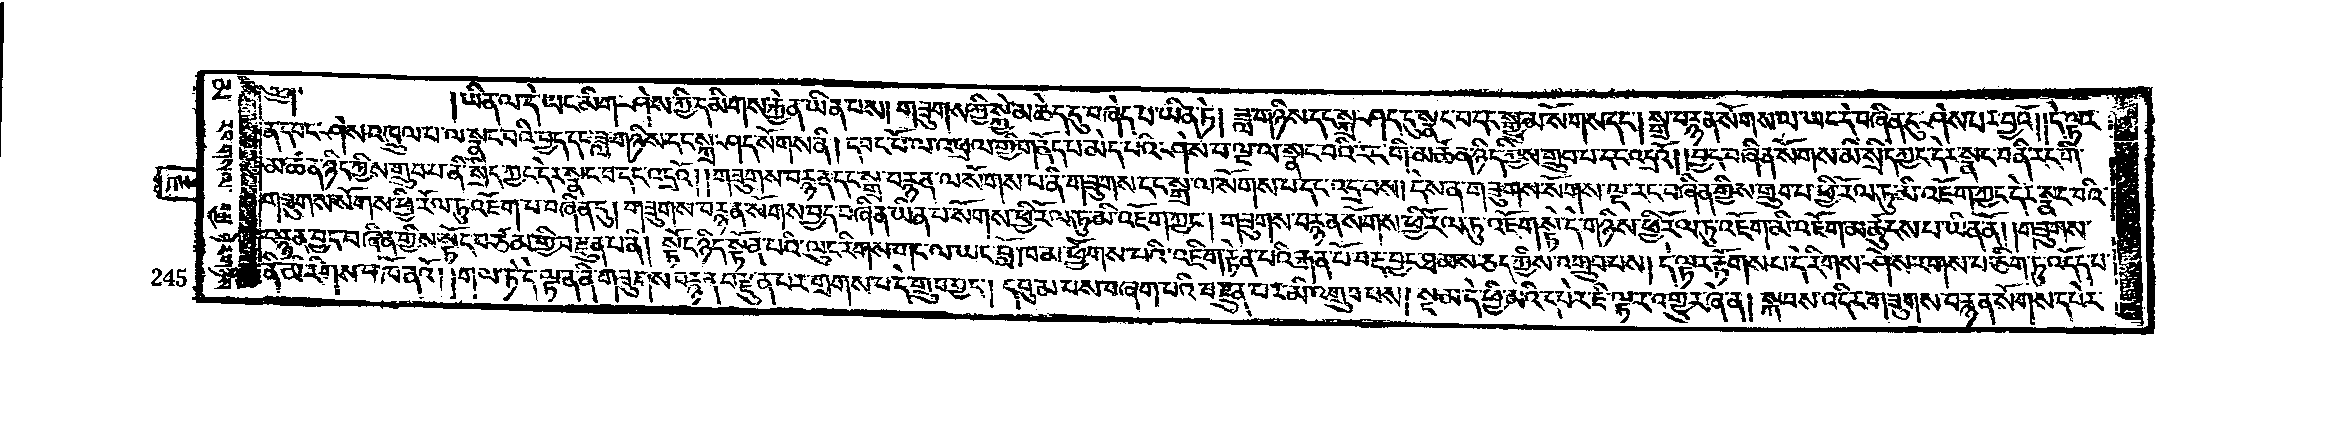༄༅། །ཡིན་ལ་དེ་ཡང་མིག་ཤེས་ཀྱི་དམིགས་རྐྱེན་ཡིན་པས། གཟུགས་ཀྱི་སྐྱེ་མཆེད་དུ་བཞེད་པ་ཡིན་ཏེ། ཟླ་གཉིས་དང་སྐྲ་ཤད་དུ་སྣང་བ་དང་སྒྱུ་མ་སོགས་དང་། སྒྲ་བརྙན་སོགས་ལ་ཡང་དེ་བཞིན་དུ་ཤེས་པར་བྱའོ། །དེ་ལྟར་
ན་དབང་ཤེས་འཁྲུལ་པ་ལ་སྣང་བའི་བྱད་དང་ཟླ་གཉིས་དང་སྐྲ་ཤད་སོགས་ནི། དབང་པོ་ལ་འཕྲལ་གྱི་གནོད་པ་མེད་པའི་ཤེས་པ་ལྔ་ལ་སྣང་བའི་རང་གི་མཚན་ཉིད་ཀྱིས་གྲུབ་པ་དང་འདྲའོ། །བྱད་བཞིན་སོགས་མི་སྲིད་ཀྱང་དེར་སྣང་བ་ནི་རང་གི་
མཚན་ཉིད་ཀྱིས་གྲུབ་པ་ནི་སྲིད་ཀྱང་དེར་སྣང་བ་དང་འདྲའོ། །གཟུགས་བརྙན་དང་སྒྲ་བརྙན་ལ་སོགས་པ་ནི་གཟུགས་དང་སྒྲ་ལ་སོགས་པ་དང་འདྲ་བས། དེས་ན་གཟུགས་སོགས་ལྔ་རང་བཞིན་གྱིས་གྲུབ་པ་ཕྱི་རོལ་ཏུ་མི་འཇོག་ཀྱང་དེར་སྣང་བའི་
གཟུགས་སོགས་ཕྱི་རོལ་ཏུ་འཇོག་པ་བཞིན་དུ། གཟུགས་བརྙན་སོགས་བྱད་བཞིན་ཡིན་པ་སོགས་ཕྱི་རོལ་ཏུ་མི་འཇོག་ཀྱང་། གཟུགས་བརྙན་སོགས་ཕྱི་རོལ་ཏུ་འཇོག་སྟེ་དེ་གཉིས་ཕྱི་རོལ་ཏུ་འཇོག་མི་འཇོག་མཚུངས་པ་ཡིན་ནོ། །གཟུགས་
བརྙན་བྱད་བཞིན་གྱིས་སྟོང་པ་ཙམ་གྱི་བརྫུན་པ་ནི། སྟོང་ཉིད་སྟོན་པའི་ལུང་རིགས་གང་ལ་ཡང་བློ་ཁ་མ་ཕྱོགས་པའི་འཇིག་རྟེན་པའི་རྒན་པོ་བརྡ་བྱང་ཐམས་ཅད་ཀྱིས་འགྲུབ་པས། དེ་ལྟར་རྟོགས་པ་དེ་རིགས་ཤེས་རགས་པ་ཅིག་ཏུ་འདོད་པ་
ནི་མི་རིགས་པ་ཁོ་ནའོ། །གལ་ཏེ་དེ་ལྟ་ན་ནི་གཟུགས་བརྙན་བརྫུན་པར་གྲགས་པ་དེ་གྲུབ་ཀྱང་། དབུ་མ་པས་བཞག་པའི་བརྫུན་པར་མི་འགྲུབ་པས། སྔ་མ་དེ་ཕྱི་མའི་དཔེར་ཇི་ལྟར་འགྱུར་ཞེ་ན། སྐབས་འདིར་གཟུགས་བརྙན་སོགས་དཔེར་